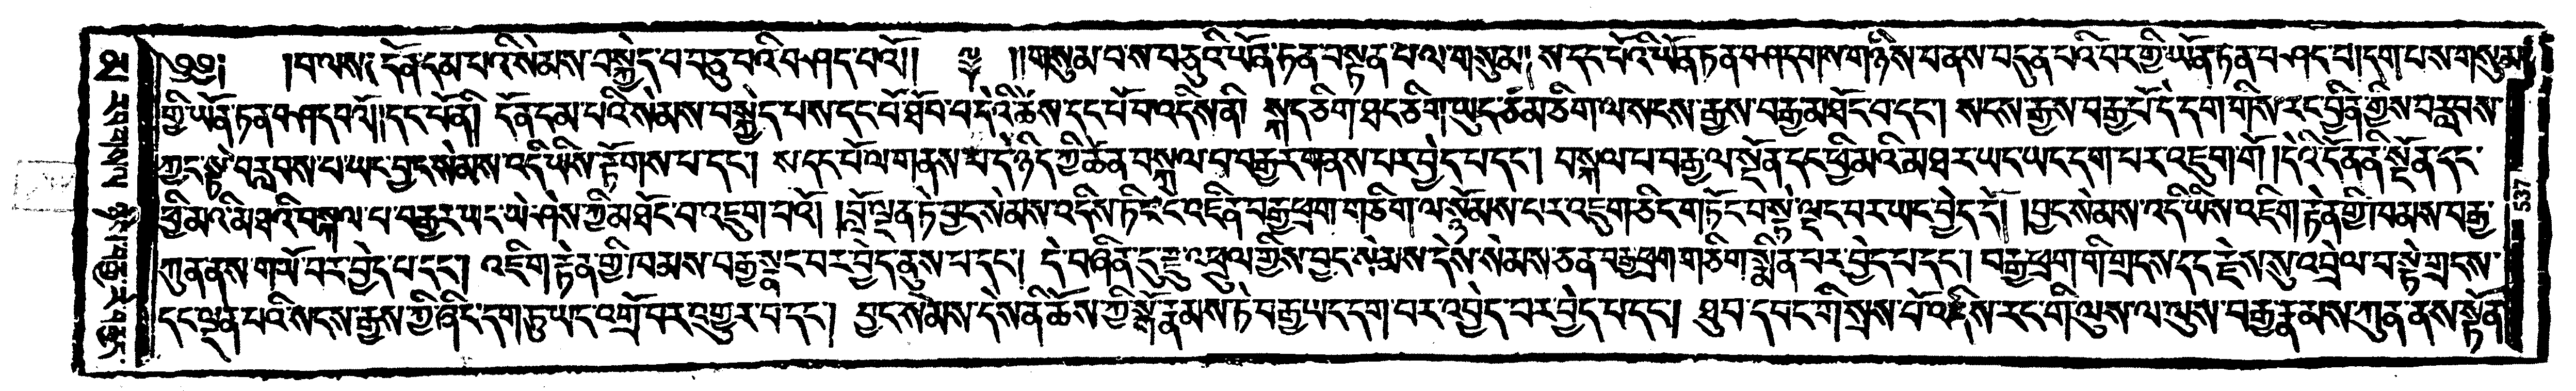༄༅། །བ་ལས། དོན་དམ་པའི་སེམས་བསྐྱེད་པ་བཅུ་པའི་བཤད་པའོ།། ༈ །།གསུམ་པ་ས་བཅུའི་ཡོན་ཏན་བསྟན་པ་ལ་གསུམ། ས་དང་པོའི་ཡོན་ཏན་བཤད་པ། ས་གཉིས་པ་ནས་བདུན་པའི་བར་གྱི་ཡོན་ཏན་བཤད་པ། དག་པ་ས་གསུམ་
གྱི་ཡོན་ཏན་བཤད་པའོ། །དང་པོ་ནི། དོན་དམ་པའི་སེམས་བསྐྱེད་པ་ས་དང་པོ་ཐོབ་པ་དེའི་ཚེ་ས་དང་པོ་བ་འདིས་ནི། སྐད་ཅིག་ཐང་ཅིག་ཡུད་ཙམ་ཅིག་ལ་སངས་རྒྱས་བརྒྱ་མཐོང་བ་དང་། སངས་རྒྱས་བརྒྱ་པོ་དེ་དག་གིས་རང་བྱིན་གྱིས་བརླབས་
ཀྱང་སྟེ་བརླབས་པ་ཡང་བྱང་སེམས་འདི་ཡིས་རྟོགས་པ་དང་། ས་དང་པོ་ལ་གནས་པ་དེ་ཉིད་ཀྱི་ཚེ་ན་བསྐལ་པ་བརྒྱར་གནས་པར་བྱེད་པ་དང་། བསྐལ་པ་བརྒྱ་ལ་སྔོན་དང་ཕྱི་མའི་མཐར་ཡང་ཡང་དག་པར་འཇུག་གོ །དེའི་དོན་ནི་སྔོན་དང་
ཕྱི་མའི་མཐའི་བསྐལ་པ་བརྒྱར་ཡང་ཡེ་ཤེས་ཀྱི་མཐོང་བ་འཇུག་པའོ། །བློ་ལྡན་ཏེ་བྱང་སེམས་འདིས་ཏིང་ངེ་འཛིན་བརྒྱ་ཕྲག་གཅིག་ལ་སྙོམས་པར་འཇུག་ཅིང་གཏོང་བ་སྟེ་ལྡང་བར་ཡང་བྱེད་དོ། །བྱང་སེམས་འདི་ཡིས་འཇིག་རྟེན་གྱི་ཁམས་བརྒྱ་
ཀུན་ནས་གཡོ་བར་བྱེད་པ་དང་། འཇིག་རྟེན་གྱི་ཁམས་བརྒྱ་སྣང་བར་བྱེད་ནུས་པ་དང་། དེ་བཞིན་དུ་རྫུ་འཕྲུལ་གྱིས་བྱང་སེམས་དེས་སེམས་ཅན་བརྒྱ་ཕྲག་གཅིག་སྨིན་པར་བྱེད་པ་དང་། བརྒྱ་ཕྲག་གི་གྲངས་དང་རྗེས་སུ་འབྲེལ་བ་སྟེ་གྲངས་
དང་ལྡན་པའི་སངས་རྒྱས་ཀྱི་ཞིང་དག་ཏུ་ཡང་འགྲོ་བར་འགྱུར་བ་དང་། བྱང་སེམས་དེས་ནི་ཆོས་ཀྱི་སྒོ་རྣམས་ཏེ་བརྒྱ་ཡང་དག་པར་འབྱེད་པར་བྱེད་པ་དང་། ཐུབ་དབང་གི་སྲས་པོ་འདིས་རང་གི་ལུས་ལ་ལུས་བརྒྱ་རྣམས་ཀུན་ནས་སྟོན་